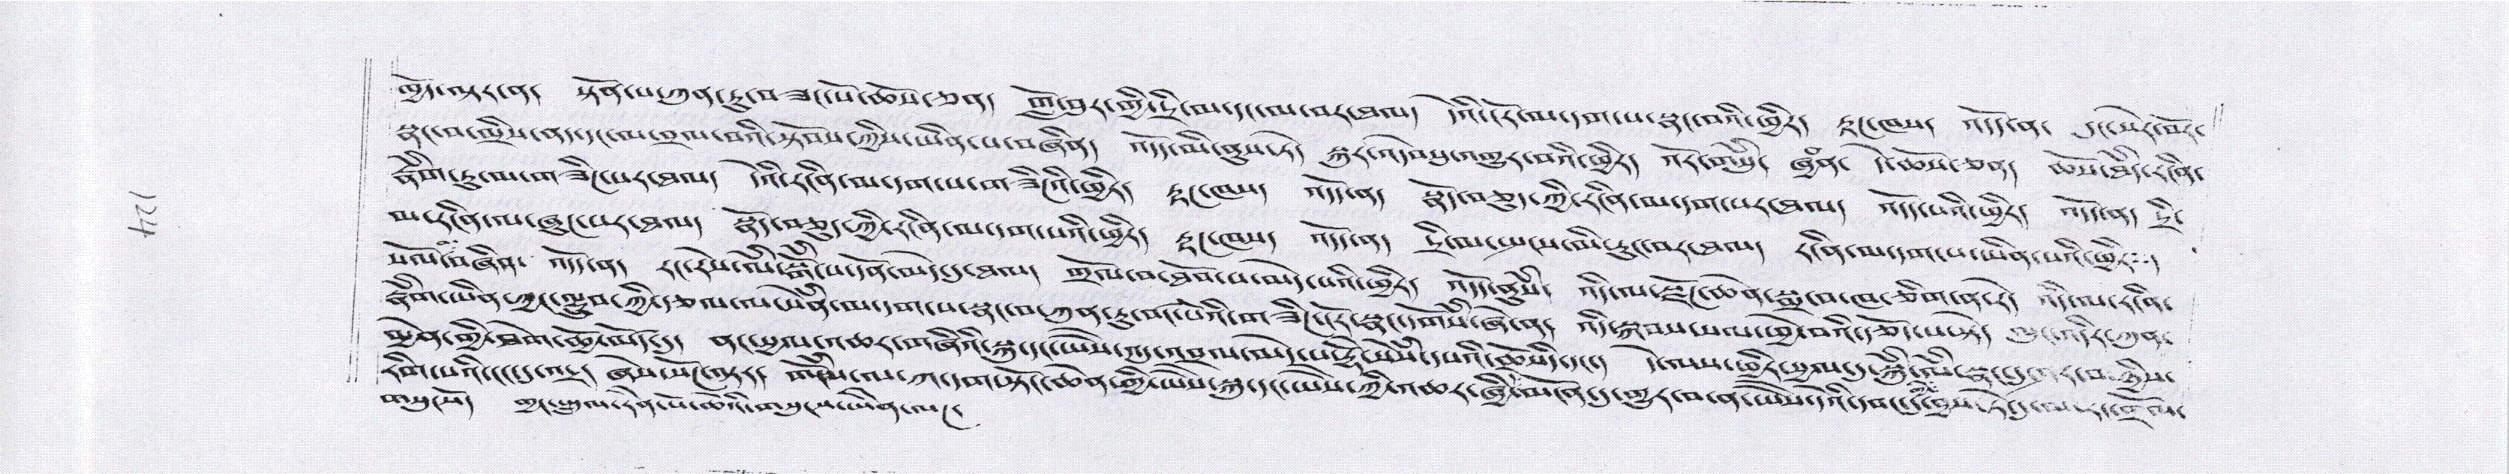ཁྱོད་ལྟར་ན་སྟོན་པ་ཀུན་ཏུ་བཟང་པོ་ཆོས་ཅན། གློ་བུར་གྱི་དྲི་མ་དང་མ་བྲལ་བར་ཐལ། དེའི་ངོར་མ་དག་པ་སྣང་བའི་ཕྱིར། རྟགས་ཁས། འདོད་ན། དུང་སེར་པོར་
སྣང་བ་མཁྲིས་ནད་དང་མ་བྲལ་བའི་སྟོབས་ཀྱིས་ཡིན་པ་བཞིན། འདོད་མི་ནུས་ཏེ། བསྐུར་འདེབས་སུ་འགྱུར་བའི་ཕྱིར། འཁོར་གསུམ། གཞན་ཡང་དེ་ཆོས་ཅན། ཆོས་ཐམས་ཅད་རང་བཞིན་
རྣམ་དག་ཏུ་མ་གཟིགས་པར་ཐལ། དེའི་རང་བཞིན་མ་དག་པ་གཟིགས་པའི་ཕྱིར། རྟགས་ཁས། འདོད་ན། སྣོད་བཅུད་ཀྱི་རང་བཞིན་མ་དག་པར་ཐལ། འདོད་པའི་ཕྱིར། འདོད་ན། དྲི་
མ་རང་བཞིན་ལ་ཞུགས་པར་ཐལ། སྣོད་བཅུད་ཀྱི་རང་བཞིན་མ་དག་པའི་ཕྱིར། རྟགས་ཁས་དྲི་མ་སྤང་མི་རུང་བར་ཐལ། རང་བཞིན་མ་དག་པ་ཡིན་པའི་ཕྱིར། 
སོལ་བ་བཞིན། འདོད་ན། རང་རེས་ལམ་བསྒོམ་པ་དོན་མེད་དུ་ཐལ། གྲོལ་བ་ཐོབ་པ་མེད་པའི་ཕྱིར། འདོད་མི་ནུས་སོ། འདི་ལ་རྫོགས་ཆེན་སྨྲ་བ་ཁ་ཅིག་ན་རེ། འདི་ལ་རང་བཞིན་
རྣམ་དག་ཡིན་ཀྱང་ལྷུན་གྲུབ་ཀྱི་རྩལ་ལ་སེམས་ཅན་མ་དག་པ་སྣང་བ་ཀུན་ཏུ་བཟང་པོའི་གཟིགས་ངོར་སྣང་དགོས་སམ་ཞེ་ན། འདི་སྐབས་སལ་ཕྱེ་བའི་རྩོད་པ་སྟེ། ལུང་འདིར་ཀུན་
མཁྱེན་གྱི་ཐེག་མཆོག་མཛོད་དུ། ནང་གསལ་འཆར་གཞིའི་སྐུ་དང་ཡེ་ཤེས་འདུ་འབྲལ་མེད་པ་རྡོ་རྗེ་སེམས་དཔའི་ཆོས་ཉིད་དང་། དེ་ལས་ཕྱིར་གསལ་དུ་སྐུ་གསུམ་ལམ་སྣང་དུ་ཤར་བ་གཉིས་
རིག་པའི་ངང་དུ་འདྲ། ཞེས་སོགས་ལྟར། ༼གོང་མས་༽ལ་ཀ་དག་སྟོང་ཆེན་གྱི་ཡེ་ཤེས་སྐུ་དང་ཡེ་ཤེས་ཀྱི་འཆར་གཞི་མངོན་དུ་གྱུར་པ་ན་ཡེ་ཤེས་དེའི་དབང་དུ་བྱས་ཏེ་དུ་མ་རང་གྲོལ་
གསུངས་སོ། གྱང་སྤྲུལ་རིན་པོ་ཆེའི་གསུང་ཡིན་ལགས། །